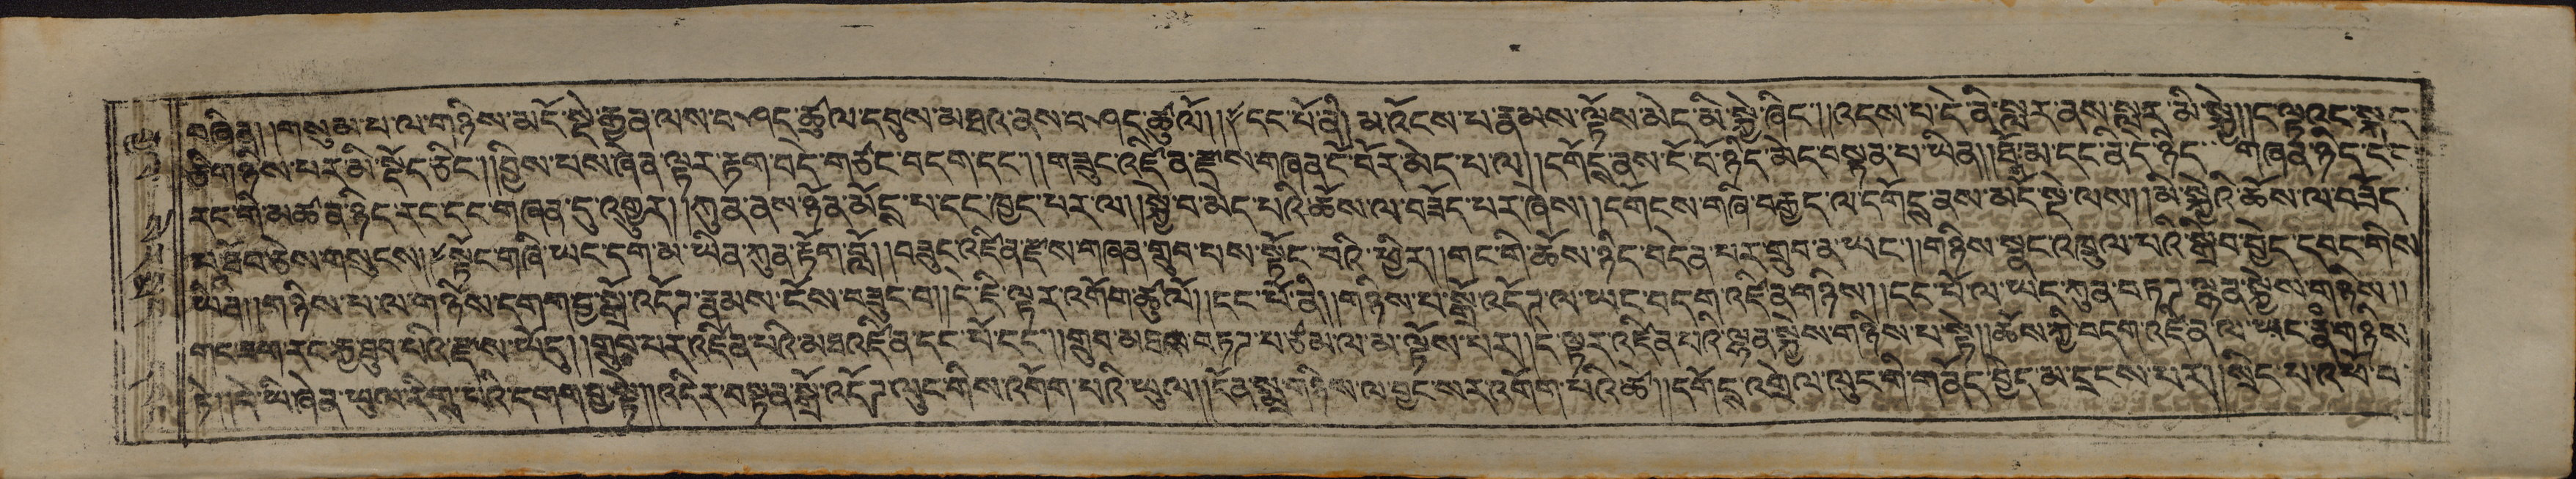བཞིན། །གསུམ་པ་ལ་གཉིས་མདོ་སྡེ་རྒྱན་ལས་བཤད་ཚུལ་དབུས་མཐའ་ནས་བཤད་ཚུལ་ལོ། ༈ །དང་པོ་ནི། མ་འོངས་པ་རྣམས་ལྟོས་མེད་མི་སྐྱེ་ཞིང་། །འདས་པ་དེ་ནི་སླར་ནས་སླར་མི་སྐྱེ། །ད་ལྟའང་སྐད་
ཅིག་གཉིས་པར་མི་སྡོད་ཅིང་། །བྱིས་པས་ཞེན་ལྟར་རྟག་བདེ་གཙང་བདག་དང་། །གཟུང་འཛིན་རྫས་གཞན་ངོ་བོར་མེད་པ་ལ། །དགོངས་ནས་ངོ་བོ་ཉིད་མེད་བསྟན་པ་ཡིན། །ཐོག་མ་དང་ནི་དེ་ཉིད་གཞན་ཉིད་དང་།
རང་གི་མཚན་ཉིད་རང་དང་གཞན་དུ་འགྱུར། །ཀུན་ནས་ཉོན་མོངས་པ་དང་ཁྱད་པར་ལ། །སྐྱེ་བ་མེད་པའི་ཆོས་ལ་བཟོད་པར་ཞེས། །དགོངས་གཞི་བརྒྱད་ལ་དགོངས་ནས་མདོ་སྡེ་ལས། །མི་སྐྱེའི་ཆོས་ལ་བཟོད་
པ་ཐོབ་ཅེས་གསུངས། ༈ །སྟོང་གཞི་ཡང་དག་མ་ཡིན་ཀུན་རྟོག་བློ། །བཟུང་འཛིན་རྫས་གཞན་གྲུབ་པས་སྟོང་བའི་ཕྱིར། །གང་གི་ཆོས་ཉིད་བདེན་པར་གྲུབ་ན་ཡང་། །གཉིས་སྣང་འཁྲུལ་པའི་སྒྲིབ་བྱེད་དབང་གིས་
ཡིན། །གཉིས་པ་ལ་གཉིས་དགག་བྱ་སྒྲོ་འདོགས་རྣམས་ངོས་བཟུང་བ། །དེ་ཇི་ལྟར་འགོག་ཚུལ་ལོ། །དང་པོ་ནི། །གཉིས་པ་སྒྲོ་འདོགས་ལ་ཡང་བདག་འཛིན་གཉིས། །དང་པོ་ལ་ཡང་ཀུན་བཏགས་བརྟགས་ཨེཏཅ་ཐྲོཨུགྷོཨུཏ་ལྷན་སྐྱེས་གཉིས།
གང་དག་རང་རྐྱ་ཐུབ་པའི་རྫས་ཡོད་དུ། །གྲུབ་པར་འཛིན་པའི་མཐའ་འཛིན་དང་པོ་དང་། །གྲུབ་མཐས་བཏགས་པ་ཙམ་ལ་མ་ལྟོས་པར། །དེ་ལྟར་འཛིན་པའི་ལྷན་སྐྱེས་གཉིས་པ་སྟེ། །ཆོས་ཀྱི་བདག་འཛིན་ལ་ཡང་རྣམ་གཉིས་
ཏེ། །དེ་ཡི་ཞེན་ཡུལ་རིགས་པའི་དགག་བྱ་སྟེ། །འདིར་བསྟན་སྒྲོ་འདོགས་ལུང་གིས་འགོག་པའི་ཡུལ། །དོན་སྨྲ་གཉིས་ལ་བྱང་སར་འགོག་པའི་ཚེ། །དགོངས་འགྲེལ་ལུང་གི་གནོད་བྱེད་མ་དྲངས་པར། །སྲིད་པ་འཕོ་བ་